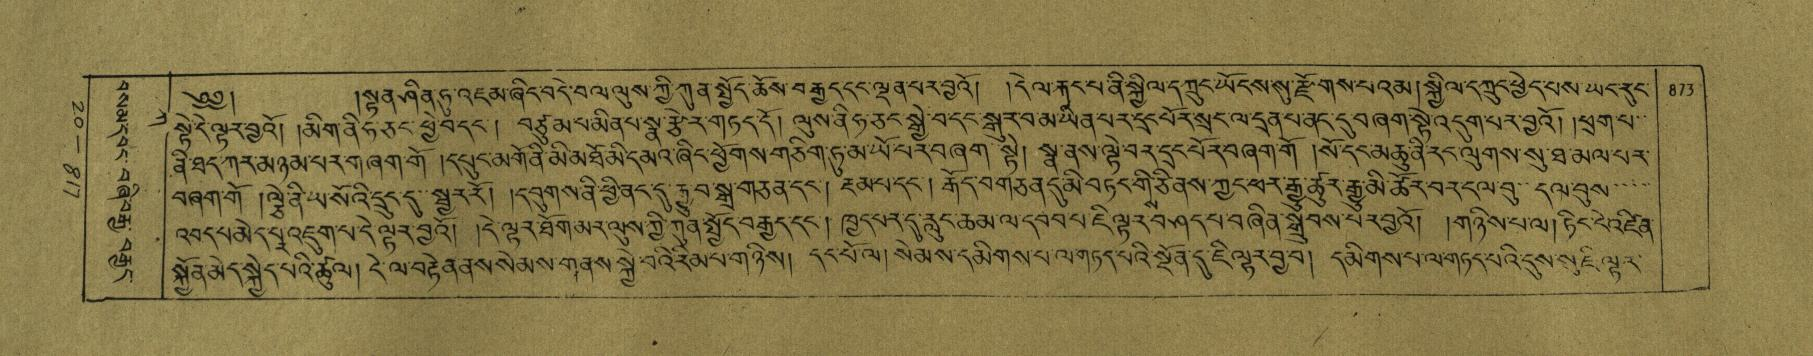༄༅། །སྟན་ཤིན་ཏུ་འཇམ་ཞིང་བདེ་བ་ལ་ལུས་ཀྱི་ཀུན་སྤྱོད་ཆོས་བརྒྱད་དང་ལྡན་པར་བྱའོ། །དེ་ལ་རྐང་པ་ནི་སྐྱིལ་དཀྲུང་ཡོངས་སུ་རྫོགས་པའམ། སྐྱིལ་དཀྲུང་ཕྱེད་པས་ཡང་རུང་
སྟེ་དེ་ལྟར་བྱའོ། །མིག་ནི་ཧ་ཅང་ཕྱེ་བ་དང་། བཙུམ་པ་མིན་པ་སྣ་རྩེར་གཏང་དོ། ལུས་ནི་ཧ་ཅང་སྐྱེ་བ་དང་སྒུར་བ་མ་ཡིན་པར་དྲང་པོར་སྲང་ལ་དྲན་པ་ནང་དུ་བཞག་སྟེ་འདུག་པར་བྱའོ། །ཕྲག་པ་
ནི་ཐད་ཀར་མཉམ་པར་གཞག་གོ། །དཔུང་མགོ་ནི་མི་མཐོ་མི་དམའ་ཞིང་ཕྱོགས་གཅིག་ཏུ་མ་ཡོ་པར་བཞག་སྟེ། སྣ་ནས་ལྟེ་བར་དྲང་པོར་བཞག་གོ །སོ་དང་མཆུ་ནི་རང་ལུགས་སུ་ཐ་མལ་པར་
བཞག་གོ །ལྕེ་ནི་ཡ་སོའི་དྲུང་དུ་སྦྱར་རོ། །དབུགས་ནི་ཕྱི་ནང་དུ་རྒྱུ་བ་སྒྲ་གཅན་དང་། རྔམ་པ་དང་། རྒོད་བ་གཅན་དུ་མི་བཏང་གིས་ཅི་ནས་ཀྱང་ཕར་རྒྱུ་ཚུར་རྒྱུ་མི་ཚོར་བར་ངལ་བུ་དལ་བུས་
འབད་པ་མེད་པར་འཇུག་པ་དེ་ལྟར་བྱའོ། །དེ་ལྟར་ཐོག་མར་ལུས་ཀྱི་ཀུན་སྤྱོད་བརྒྱད་དང་། ཁྱད་པར་དུ་རླུང་ཆེམ་ལ་དབབ་པ་ཇི་ལྟར་བཤད་པ་བཞིན་སྒྲུབས་པར་བྱའོ། །གཉིས་པ་ལ། ཏིང་ངེ་འཛིན་
སྐྱོན་མེད་སྐྱེད་པའི་ཚུལ། དེ་ལ་བརྟེན་ནས་སེམས་གནས་སྐྱེ་བའི་རིམ་པ་གཉིས། དང་པོ་ལ། སེམས་དམིགས་པ་ལ་གཏང་པའི་སྔོན་དུ་ཇི་ལྟར་བྱ་བ། དམིགས་པ་ལ་གཏད་པའི་དུས་སུ་ཇི་ལྟར་